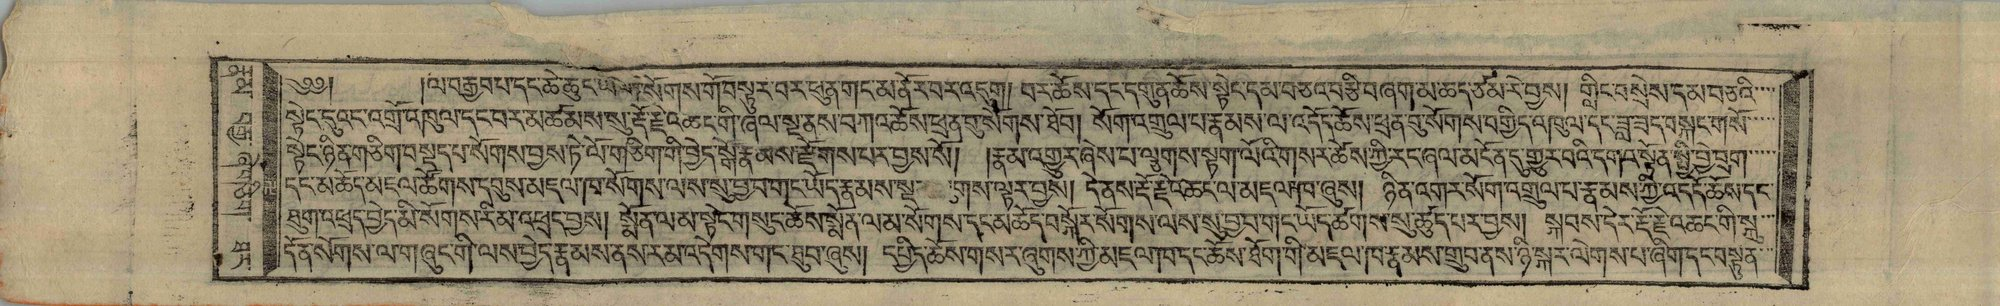༄༅། །ལ་བརྒྱབ་པ་དང་ཆེ་ཆུང་ཡི་གེ་སོགས་གོ་བསྟུར་བར་ཕུན་གང་མ་ནོར་བར་འདུག །བར་ཆོས་དང་དགུན་ཆོས་སྟེང་དམ་བཅའ་བརྩི་བཞག་མ་ཆད་ཙམ་རེ་བྱས། གླིང་བསྲེས་དམ་བཅའི་
སྟེང་དུའང་འགྲོ་འཁུལ་དང་བར་མཚམས་སུ་རྡོ་རྗེ་འཆང་གི་ཞལ་སྔ་ནས་བཀའ་ཆོས་ཕྲན་བུ་སོགས་ཐོབ། སོག་འགྲུལ་པ་རྣམས་ལ་འདོད་ཆོས་ཕྲན་བུ་སོགས་བགྱིད་འཁུལ་དང་ཟླ་ཟད་བསྐང་གསོ་
སྟེང་ཉིན་གཅིག་བསྡད་པ་སོགས་བྱས་ཏེ་ལོ་གཅིག་གི་བྱེད་སྒོ་རྣམས་རྫོགས་པར་བྱས་སོ། །རྣམ་འགྱུར་ཞེས་པ་ལྕགས་སྟག་ལོའི་གསར་ཚེས་ཀྱི་རང་ཞལ་མངོན་དུ་གྱུར་བའི་དགའ་སྟོན་སྤྱི་བྱེ་བྲག་
དང་མཆོད་མཇལ་ཚོགས་དབུས་མཇལ་ཁ་སོགས་ལས་སུ་བྱ་བ་གང་ཡོད་རྣམས་སྡར་ལུགས་ལྟར་བྱས། དེ་ནས་རྡོ་རྗེ་འཆང་ལ་མཇལ་ཁ་ཞུས། ཉིན་འགར་སོག་འགྲུལ་པ་རྣམས་ཀྱི་འདོད་ཆོས་དང་
ཐུག་འཕྲད་བྱེད་མི་སོགས་རིམ་འཕྲད་བྱས། སྨོན་ལམ་སྟེང་གསུང་ཆོས་སྨོན་ལམ་སོགས་དང་མཆོད་བསྐོར་སོགས་ལས་སུ་བྱ་བ་གང་ཡོད་ཚགས་སུ་ཚུད་པར་བྱས། སྐབས་དེར་རྡོ་རྗེ་འཆང་གི་སྐུ་
དོན་སོགས་ལ་གཞུང་གི་ལས་བྱེད་རྣམས་ནས་རམ་འདེགས་གང་ཐུབ་ཞུས། དཔྱིད་ཆོས་གསར་ཞུགས་ཀྱི་མཇལ་ཁ་དང་ཆོས་ཐོག་གི་མཇལ་ཁ་རྣམས་གྲུབ་ནས་ཉི་སྐར་ལེགས་པ་ཞིག་དང་བསྟུན་